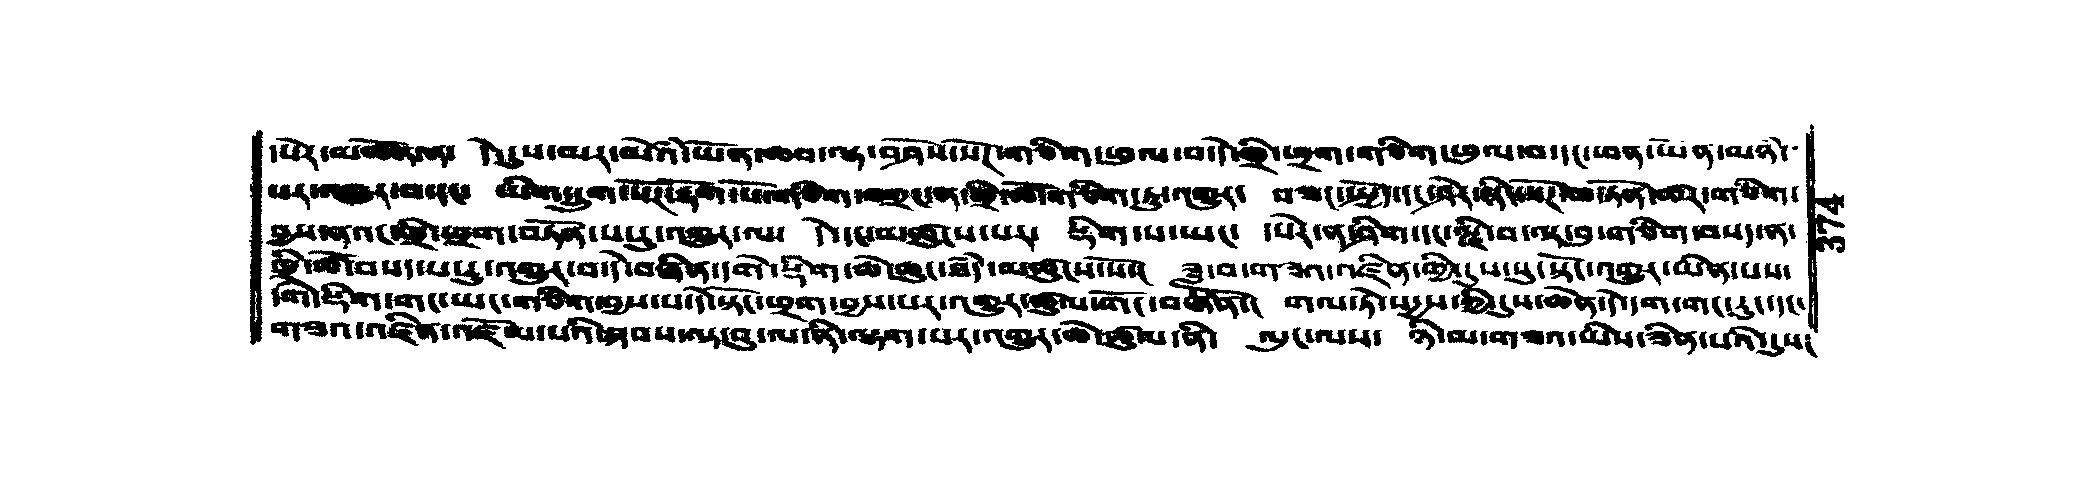དཔེར་མཚོན་ན། དེ་དུས་མར་མེའམ་ཡོན་ཆབ་ལྷ་བཤོས་སོགས་གཅིག་ཕུལ་བ་དེ་ཁྲི་ཕྲག་གཅིག་ཕུལ་བ་དང་ཕན་ཡོན་མཉམ་
པར་འགྱུར་བ་དང་། ཡིག་དྲུག་སོགས་རྡོག་པོ་གཅིག་བགྲངས་ན་ཁྲི་ཚོ་གཅིག་ཏུ་འགྱུར། བཟང་སྤྱོད་དང་ཤེར་སྙིང་སོགས་ཁ་ཏོན་ཚར་གཅིག་
བྱས་ནའང་ཁྲི་ཕྲག་བཏོན་པ་རུ་འགྱུར་ལ། དེ་དང་མཚུངས་པར། སྡིག་པ་ཡང་། དཔེར་ན་ཤིག་དང་ལྗི་བ་ལྟ་བུ་གཅིག་བསད་ན་
ཁྲི་ཚོ་བསད་པ་རུ་འགྱུར་བ་དེ་བཞིན་དགེ་སྡིག་ཆེ་ཆུང་ཐམས་ཅད་མཚུངས་སོ།ཟླ་བ་གཟའ་འཛིན་གྱི་དུས་སུ་སྟོང་འགྱུར་ཡིན་པས་
དགེ་སྡིག་གང་ཡང་གཅིག་བྱས་པ་དེ་སྟོང་ཕྲག་བྱས་པར་འགྱུར་ཚུལ་གོང་བཞིན་ནོ། གལ་ཏེ་སངས་རྒྱས་ཀྱི་དུས་ཆེན་དེ་དག་གང་རུང་དང་
གཟའ་འཛིན་འཛོམ་པའི་སྐབས་ལྟ་བུ་ལ་ནི་ལྷག་པར་འགྱུར་ཆེ་ཚུལ་ནི། ལུང་ལས། ཉི་མ་གཟའ་ཡིས་ཟིན་པའི་དུས།